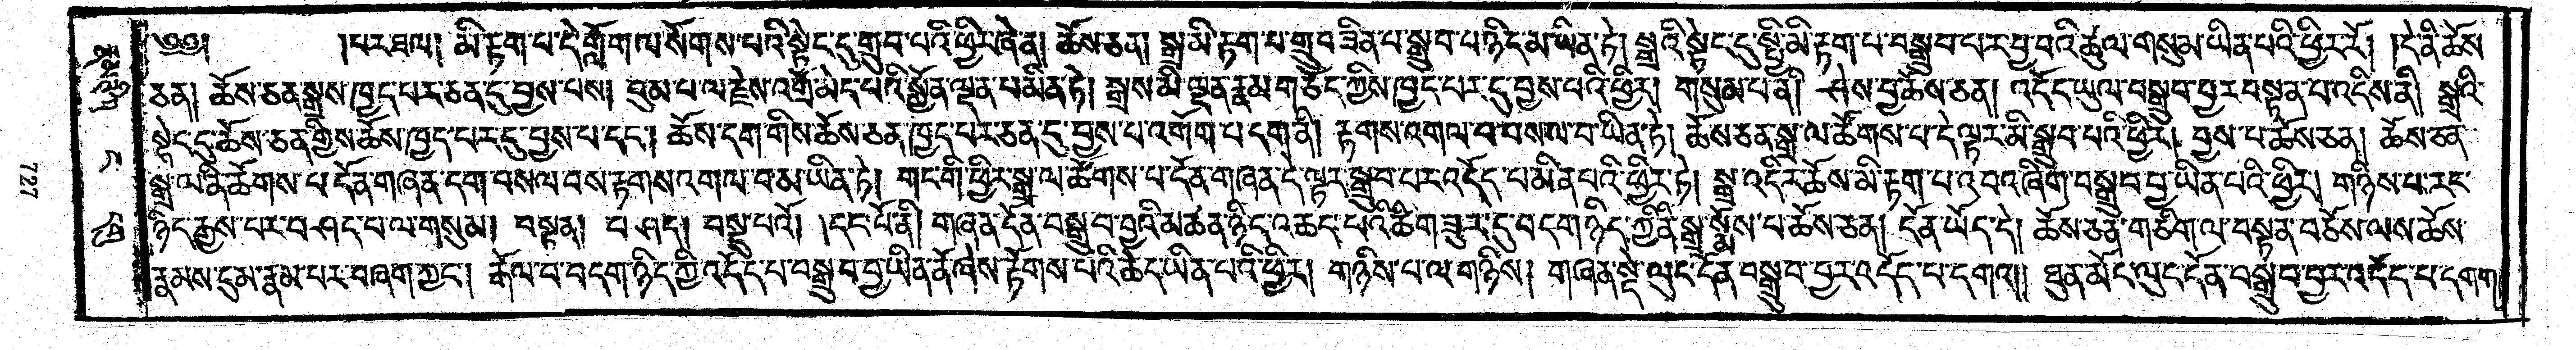༄༅། །པར་ཐལ། མི་རྟག་པ་དེ་གློག་ལ་སོགས་པའི་སྟེང་དུ་གྲུབ་པའི་ཕྱིར་ཞེ་ན། ཆོས་ཅན། སྒྲ་མི་རྟག་པ་གྲུབ་ཟིན་པ་སྒྲུབ་པ་ཉིད་མ་ཡིན་ཏེ། སྒྲའི་སྟེང་དུ་སྤྱི་མི་རྟག་པ་བསྒྲུབ་པར་བྱ་བའི་ཚུལ་གསུམ་ཡིན་པའི་ཕྱིར་རོ། །དེ་ནི་ཆོས་
ཅན། ཆོས་ཅན་སྒྲས་ཁྱད་པར་ཅན་དུ་བྱས་པས། བུམ་པ་ལ་རྗེས་འགྲོ་མེད་པའི་སྐྱོན་ལྡན་པ་མིན་ཏེ། སྒྲས་མི་ལྡན་རྣམ་གཅོད་ཀྱིས་ཁྱད་པར་དུ་བྱས་པའི་ཕྱིར། གསུམ་པ་ནི། ཤེས་བྱ་ཆོས་ཅན། འདོད་ཡུལ་བསྒྲུབ་བྱར་བསྟན་པ་འདིས་ནི། སྒྲའི་
སྟེང་དུ་ཆོས་ཅན་གྱིས་ཆོས་ཁྱད་པར་དུ་བྱས་པ་དང་། ཆོས་དག་གིས་ཆོས་ཅན་ཁྱད་པར་ཅན་དུ་བྱས་པ་འགོག་པ་དག་ནི། རྟགས་འགལ་བ་བསལ་བ་ཡིན་ཏེ། ཆོས་ཅན་སྒྲ་ལ་ཚོགས་པ་དེ་ལྟར་མི་སྒྲུབ་པའི་ཕྱིར། བྱས་པ་ཆོས་ཅན། ཆོས་ཅན་
སྒྲ་ལ་ནི་ཚོགས་པ་དོན་གཞན་དག་བསལ་བས་རྟགས་འགལ་བ་མ་ཡིན་ཏེ། གང་གི་ཕྱིར་སྒྲ་ལ་ཚོགས་པ་དོན་གཞན་དེ་ལྟར་སྒྲུབ་པར་འདོད་པ་མིན་པའི་ཕྱིར་ཏེ། སྒྲ་འདིར་ཆོས་མི་རྟག་པ་འབའ་ཞིག་བསྒྲུབ་བྱ་ཡིན་པའི་ཕྱིར། གཉིས་པ་རང་
ཉིད་རྒྱས་པར་བཤད་པ་ལ་གསུམ། བསྟན། བཤད། བསྡུ་བའོ། །དང་པོ་ནི། གཞན་དོན་བསྒྲུབ་བྱའི་མཚན་ཉིད་འཆད་པའི་ཚིག་ཟུར་དུ་བདག་ཉིད་ཀྱི་ནི་སྒྲ་སྨོས་པ་ཆོས་ཅན། དོན་ཡོད་དེ། ཆོས་ཅན་གཅིག་ལ་བསྟན་བཅོས་ལས་ཆོས་
རྣམས་དུམ་རྣམ་པར་བཞག་ཀྱང་། རྒོལ་བ་བདག་ཉིད་ཀྱི་འདོད་པ་བསྒྲུབ་བྱ་ཡིན་ནོ་ཞེས་རྟོགས་པའི་ཆེད་ཡིན་པའི་ཕྱིར། གཉིས་པ་ལ་གཉིས། གཞན་སྡེ་ལུང་དོན་བསྒྲུབ་བྱར་འདོད་པ་དགའ། ཐུན་མོང་ལུང་དོན་བསྒྲུབ་བྱར་འདོད་པ་དགག་